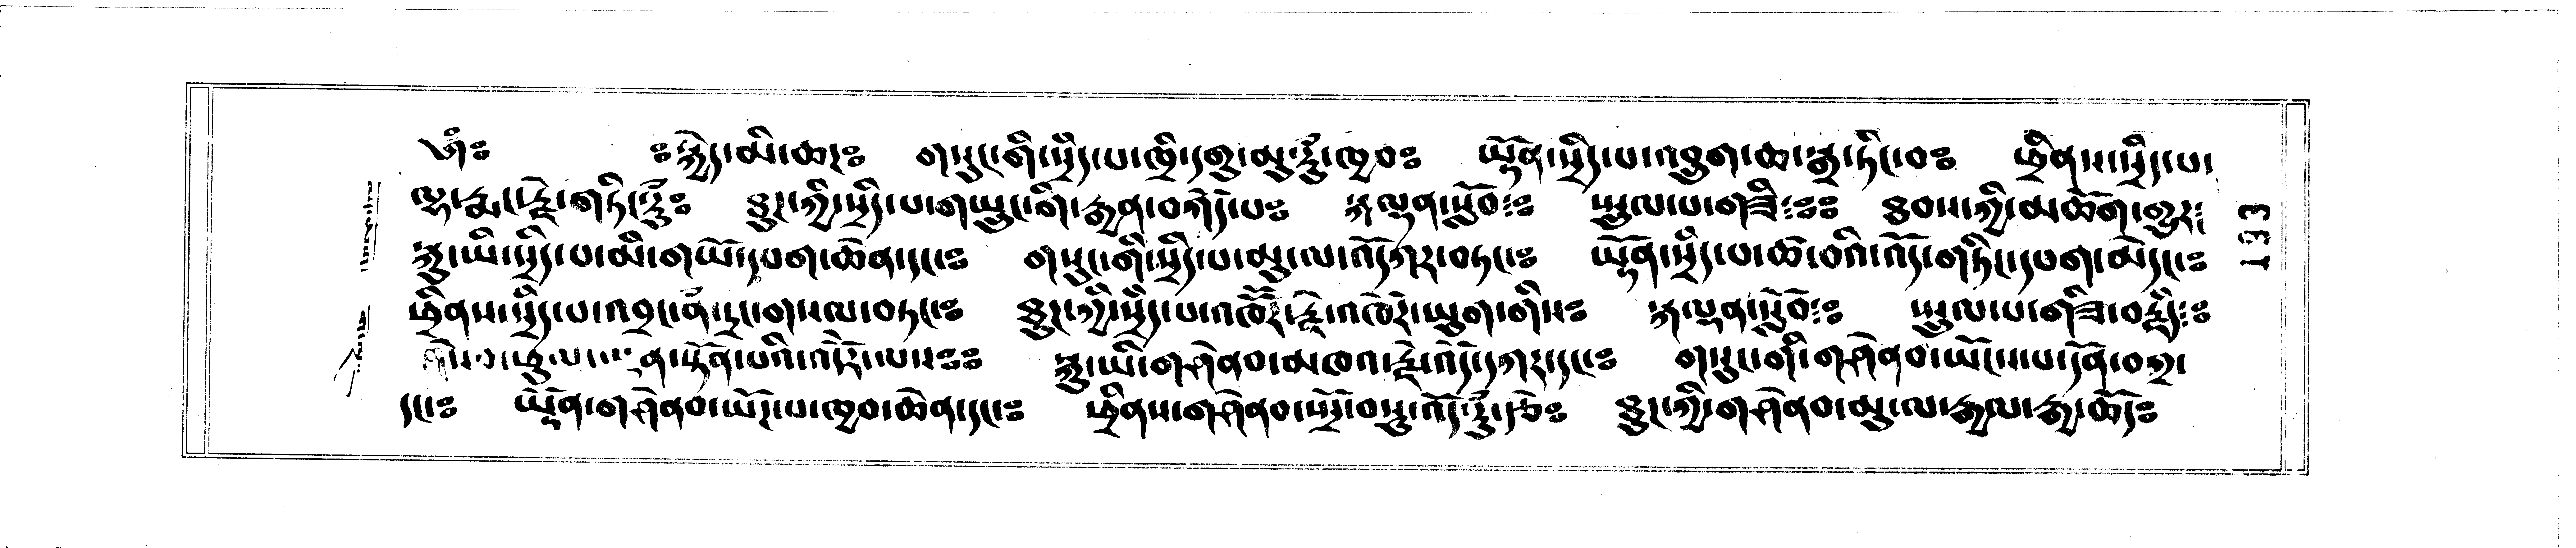སྐྱེད་མི་ཆགསཿ གསུང་གི་སྲིད་པ་ཁྲི་དགུ་མུ་རུམ་ཁྱབཿ ཡོན་ཏན་གྱི་སྲིད་པ་འབྲུག་ཆ་སྒྲ་དིང་བཿ ཕྲིན་ལས་སྲིད་པ་
ལྷ་རྨང་རྗེ་དིང་རུམཿ ཐུགས་ཀྱི་སྲིད་པ་གཡུང་དྲུང་གི་རྒྱན་བཀོད་པཿ སྐལ་ལྡན་སློབ་མ་རྣམས་ལ་དབང་བསྐུར་བསཿ སྤྲུལ་པ་གཟི་བརྗིད་འགྲོ་འདྲེན་དབང་ཐོབ་ཤོགཿ ཐབས་ཀྱི་མཆོག་གྱུར་
སྤྲུལ་པ་ལས་སྲིད་པའིཿ སྐུ་ཡི་སྲིད་པ་མི་གཡོ་དཔག་ཆེན་དངཿ གསུང་གི་སྲིད་པ་མུ་ལ་འོད་དཀར་བཏངཿ ཡོན་ཏན་གྱི་སྲིད་པ་ཚ་བའི་འོད་གཏིང་དཔག་མེདཿ 
ཕྲིན་ལས་ཀྱི་སྲིད་པ་འབྲང་ནམ་དྲང་གསལ་བཏངཿ ཐུགས་ཀྱི་སྲིད་པ་འཁོར་ལོ་རྗེ་འཁོར་ཡུག་གིསཿ སྐལ་ལྡན་སློབ་མ་རྣམས་ལ་དབང་བསྐུར་བསཿ སྤྲུལ་པ་གཟི་བརྗིད་
འགྲོ་འདྲེན་དབང་ཐོབ་ཤོགཿ ཤེས་རབ་ཕུལ་ལྡན་སྟོན་པའི་འོད་ཟེར་ལསཿ སྐུ་ཡི་གཤེན་རབ་མཁའ་རྗེ་འོད་དཀར་དངཿ གསུང་གི་གཤེན་རབ་ཡོངས་པ་དོན་བཀྲ་
དངཿ ཡོན་ཏན་གཤེན་རབ་ཡོགས་པ་ཁྱབ་ཆེན་དངཿ ཕྲིན་ལས་ཀྱི་གཤེན་རབ་སྤྲོ་བསྡུ་འོད་རུམ་རྩེཿ ཐུགས་ཀྱི་གཤེན་རབ་མུ་ལ་རྒྱལ་རྒྱ་ཆོདཿ